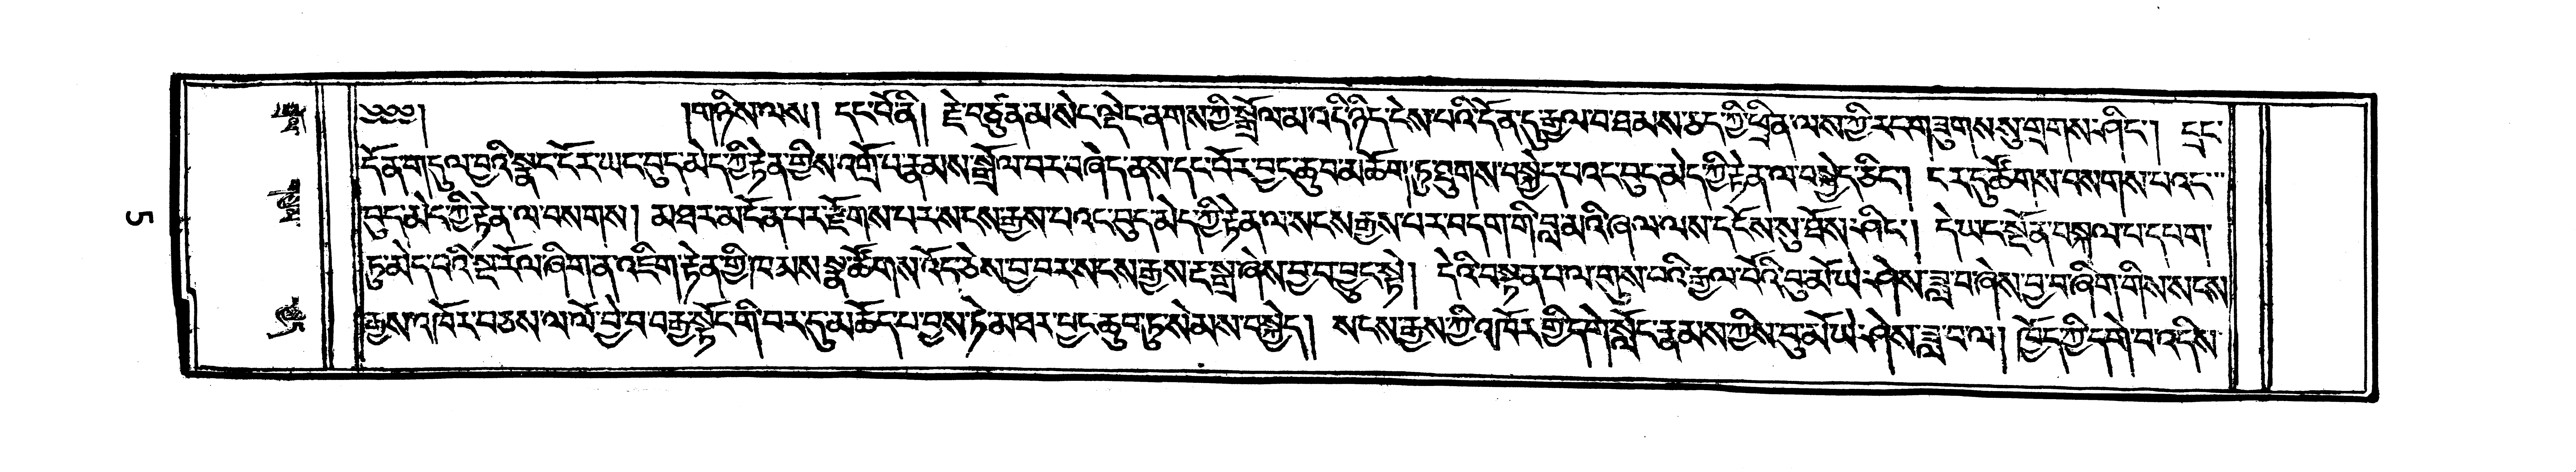༄༅༅། །གཉིས་ལས། དང་པོ་ནི། རྗེ་བཙུན་མ་སེང་ལྡེང་ནགས་ཀྱི་སྒྲོལ་མ་འདི་ཉིད་ངེས་བའི་དོན་དུ་རྒྱལ་བ་ཐམས་ཅད་ཀྱི་ཕྲིན་ལས་ཀྱི་རང་གཟུགས་སུ་གྲགས་ཤིང་། དྲང་
དོན་གདུལ་བྱའི་སྣང་ངོར་ཡང་བུད་མེད་ཀྱི་རྟེན་གྱིས་འགྲོ་བ་རྣམས་སྒྲོལ་བར་བཞེད་ནས་དང་པོར་བྱང་ཆུབ་མཆོག་ཏུ་ཐུགས་བསྐྱེད་པའང་བུད་མེད་ཀྱི་རྟེན་ལ་བསྐྱེད་ཅིང་། བར་དུ་ཚོགས་བསགས་པའང་
བུད་མེད་ཀྱི་རྟེན་ལ་བསགས། མཐར་མངོན་པར་རྫོགས་པར་སངས་རྒྱས་པའང་བུད་མེད་ཀྱི་རྟེན་ལ་སངས་རྒྱས་པར་བདག་གི་བླ་མའི་ཞལ་ལས་དངོས་སུ་ཐོས་ཤིང་། དེ་ཡང་སྔོན་བསྐལ་བ་དཔག་
ཏུ་མེད་པའི་སྔ་རོལ་ཞིག་ན་འཇིག་རྟེན་གྱི་ཁམས་སྣ་ཚོགས་འོད་ཅེས་བྱ་བར་སངས་རྒྱས་རྔ་སྒྲ་ཞེས་བྱ་བ་བྱུང་སྟེ། དེའི་བསྟན་པ་ལ་གུས་པའི་རྒྱལ་པོའི་བུ་མོ་ཡེ་ཤེས་ཟླ་བ་ཞེས་བྱ་བ་ཞིག་གིས་སངས་
རྒྱས་འཁོར་བཅས་ལ་ལོ་བྱེ་བ་བརྒྱ་སྟོང་གི་བར་དུ་མཆོད་པ་བྱས་ཏེ་མཐར་བྱང་ཆུབ་ཏུ་སེམས་བསྐྱེད། སངས་རྒྱས་ཀྱི་འཁོར་གྱི་དགེ་སློང་རྣམས་ཀྱིས་བུ་མོ་ཡེ་ཤེས་ཟླ་བ་ལ། ཁྱོད་ཀྱི་དགེ་བ་འདིས་